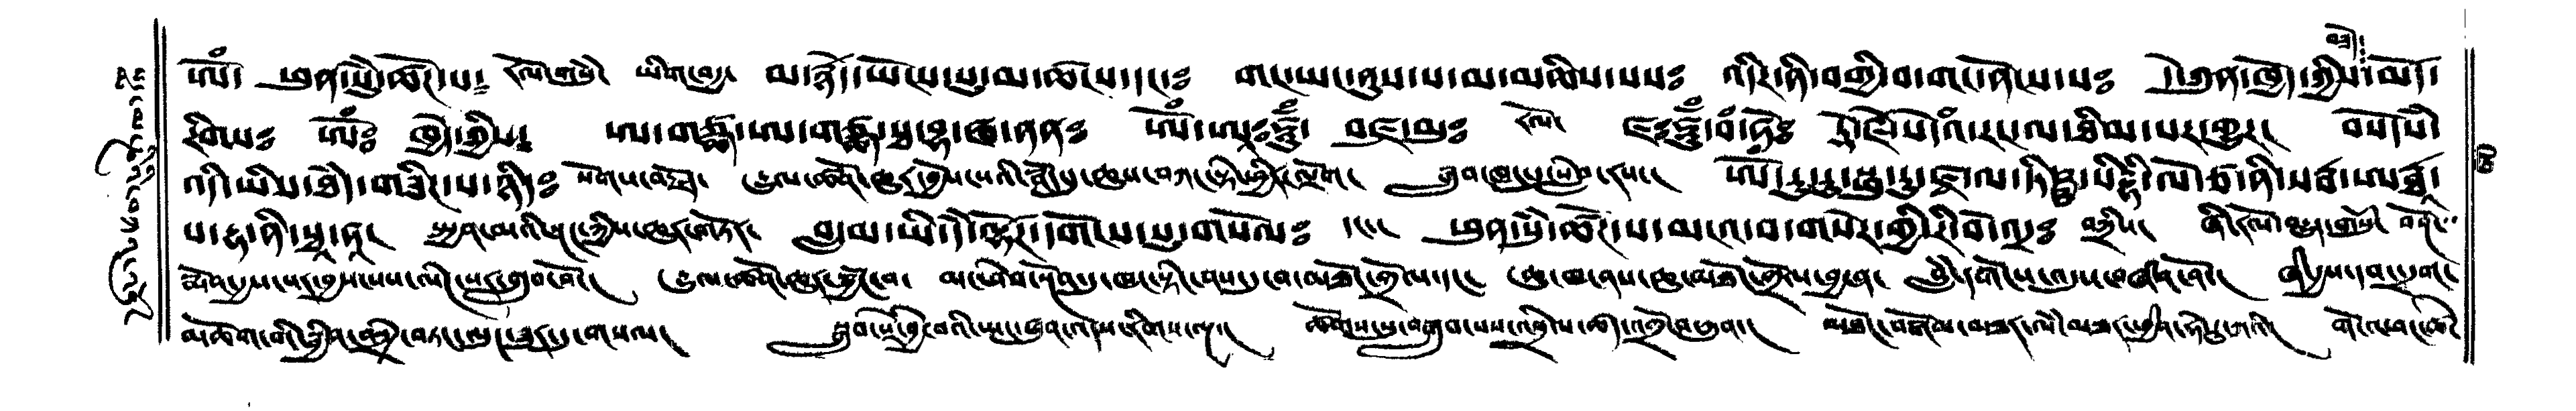ཨོཾ། ཕུན་སུམ་ཚོགས་པ༴ རོལ་གསུམ། ཡིག་བརྒྱ། མ་རྙེད་ཡོངས་སུ་མ་ཚང་དང་། །གང་ཡང་ནུས་པ་མ་མཆིས་པས། །འདིར་ནི་བགྱི་བ་གང་ནོངས་པ། །དེ་ཀུན་ཁྱོད་ཀྱིས་བཟོད་མཛད་
རིག ཨོཾ། ཁྱེད་ཀྱིས༴ ཨ་གཙྪ་ཨ་གཙྪ་སྭ་བྷ་ཝ་ནན། ཨོཾ་ཨཱཿཧཱུྃ། བཛྲ་མུཿ རོལ། ཛཿཧཱུྃ་བཾ་ཧོ། རྡོ་རྗེ་སེམས་དཔའ་རང་ལ་ཐིམ་པར་གྱུར། བསོད་ནམས་
འདི་ཡིས་ཐམས་ཅད་གཟིགས་པ་ཉིདཿ སོགས་རྗོད། རྡུལ་ཚོན་ཆུར་བྱོ་པའི་སྣོད་དུ་ཆུས་བཀང་སྟེ་ཕྱིར་ལྡོགསྒྲུབ་ཁང་དུ་བསླེབས་ནས། ཨོཾ་རུ་རུ་སྥུ་རུ་ཛྭ་ལ་ཏིཥྛ་སིདྡྷི་ལོ་ཙ་ནི་སརྦ་ཨརྠ་
ས་དྷ་ནི་སྭ་ཧཱ། སྤྱན་མའི་སྔགས་ཀྱིས་ཆུར་གཏོར། བླ་མ་ཡི་དམ་ལྷ་ཚོགས་དགོངས་སུ་གསོལ། དང་། ཕུན་སུམ་ཚོགས་པ་མངའ་བ་གསེར་གྱི་རི་བོ་འདྲ། བཀྲ་ཤིས། ཞི་རོལ་བརྒྱུད་གསུམ། བསྔོ་
སྨོན་རྒྱས་པར་བྱས་པས་ལེགས་པར་གྲུབ་བོ། རྡུལ་ཚོན་ཆུར་སྦྱོང་བ། མ་ཕེབས་སྔོན་དུ་ཁང་སྟེང་ནས་དུ་བ་མཐོང་གྲོལ་དང་། ཆུ་ཁ་ནས་ཆུ་མཐོང་གྲོལ་བྱ་ན། བླ་མ་དགོངས་འདུས་བཞིན་ནོ། ཞི་རྒྱས་དབང་དྲག་
མཆོག་གི་སྦྱིན་སྲེག་གཏོང་ལུགས་ཟུར་དུ་གསལ། སྒྲུབ་སྡེ་བྱེ་བའི་ཡང་ཞུན་འདས་རིགས་ལྔ། ཚོགས་སུ་བསྒྲུབས་པས་འབྲེལ་ཚད་འགྲོ་བ་ཀུན། །མཐོང་སྒོམ་མཐར་ལམ་མཐར་ཕྱིན་ཧེ་རུ་ཀའི། །གོ་འཕང་ཚེ་